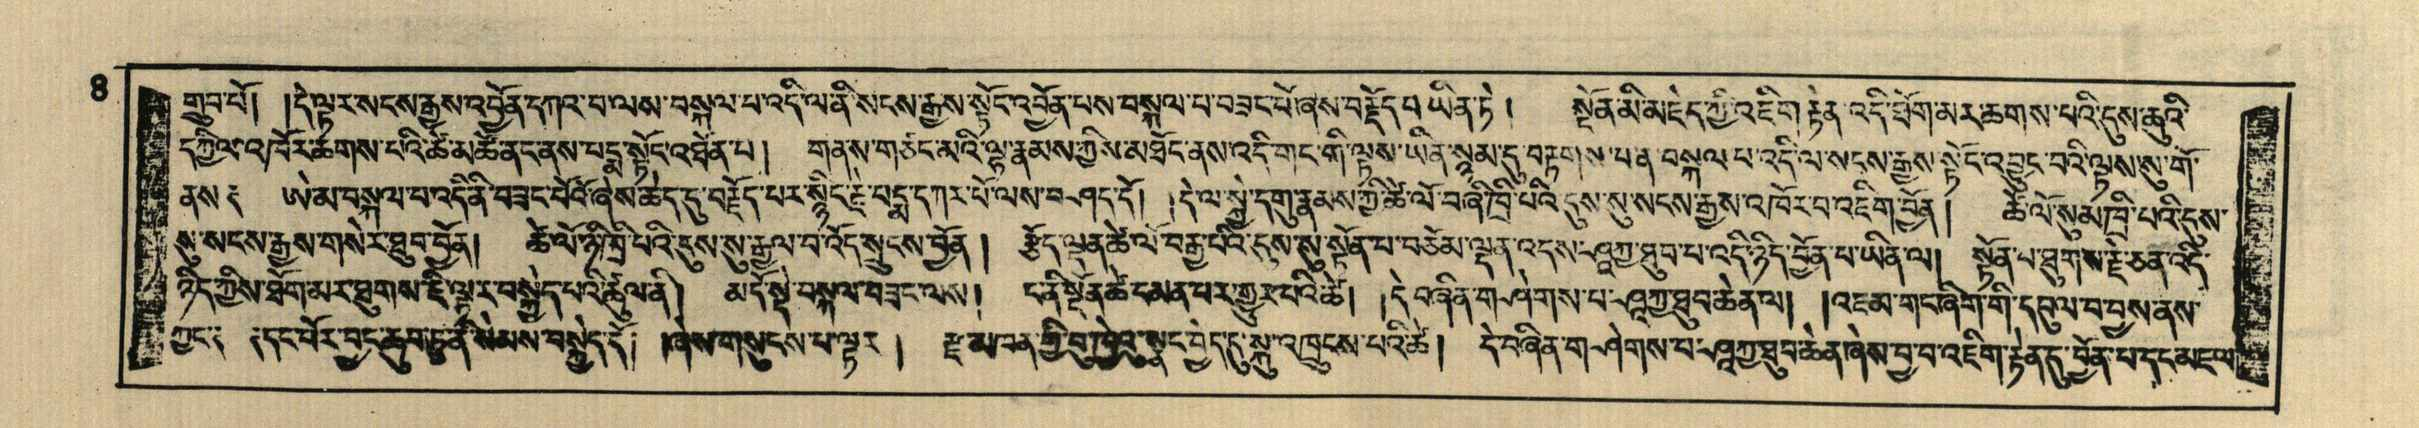གྲུབ་བོ། །དེ་ལྟར་སངས་རྒྱས་འབྱོན་དཀའ་བ་ལས་བསྐལ་པ་འདི་ལ་ནི་སངས་རྒྱས་སྟོང་འབྱོན་པས་བསྐལ་པ་བཟང་པོ་ཞས་བརྗོད་པ་ཡིན་ཏེ། སྔོན་མི་མཇེད་ཀྱི་འཇིག་རྟེན་འདི་ཐོག་མར་ཆགས་པའི་དུས་ཆུའི་
དཀྱིལ་འཁོར་ཆགས་པའི་ཚེ་མཚོ་ནང་ནས་པདམ་སྟོང་འཐོན་པ། གནས་གཙང་མའི་ལྷ་རྣམས་ཀྱིས་མཐོང་ནས་འདི་གང་གི་ལྟས་ཡིན་སྙམ་དུ་བརྟགས་པ་ན་བསྐལ་པ་འདི་ལ་སངས་རྒྱས་སྟོང་འབྱུང་བའི་ལྟས་སུ་གོ་
ནས༑ ཨེ་མ་བསྐལ་པ་འདི་ནི་བཟང་པོའོ་ཞེས་ཆེད་དུ་བརྗོད་པར་སྙིང་རྗེ་པདམ་དཀར་པོ་ལས་བཤད་དོ། །དེ་ལ་སྐྱེ་དགུ་རྣམས་ཀྱི་ཚེ་ལོ་བཞི་ཁྲི་པའི་དུས་སུ་སངས་རྒྱས་འཁོར་བ་འཇིག་བྱོན། ཚེ་ལོ་སུམ་ཁྲི་པའི་དུས་
སུ་སངས་རྒྱས་གསེར་ཐུབ་བྱོན། ཚེ་ལོ་ཉི་ཁྲི་པའི་དུས་སུ་རྒྱལ་བ་འོད་སྲུངས་བྱོན། རྩོད་ལྡན་ཚེ་ལོ་བརྒྱ་པའི་དུས་སུ་སྟོན་པ་བཅོམ་ལྡན་འདས་ཤཱཀྱ་ཐུབ་པ་འདི་ཉིད་བྱོན་པ་ཡིན་ལ། སྟོན་པ་ཐུགས་རྗེ་ཅན་འདི་
ཉིད་ཀྱིས་ཐོག་མར་ཐུགས་ཇི་ལྟར་བསྐྱེད་པའི་ཚུལ་ནི། མདོ་སྡེ་བསྐལ་བཟང་ལས། ང་ནི་སྔོན་ཚེ་དམན་པར་གྱུར་པའི་ཚེ། །དེ་བཞིན་གཤེགས་པ་ཤཱཀྱ་ཐུབ་ཆེན་ལ། །འཇམ་གང་ཞིག་གི་དབུལ་བ་བྱས་ནས་
ཀྱང༑ ༑དང་པོར་བྱང་ཆུབ་ཏུ་ནི་སེམས་བསྐྱེད་དོ༑ །ཞེས་གསུངས་པ་ལྟར། རྫ་མཁན་གྱི་བུ་ཁྱེའུ་སྣང་བྱེད་དུ་སྐུ་འཁྲུངས་པའི་ཚེ། དེ་བཞིན་གཤེགས་པ་ཤཱཀྱ་ཐུབ་ཆེན་ཞེས་བྱ་བ་འཇིག་རྟེན་དུ་བྱོན་པ་དང་མཇལ་